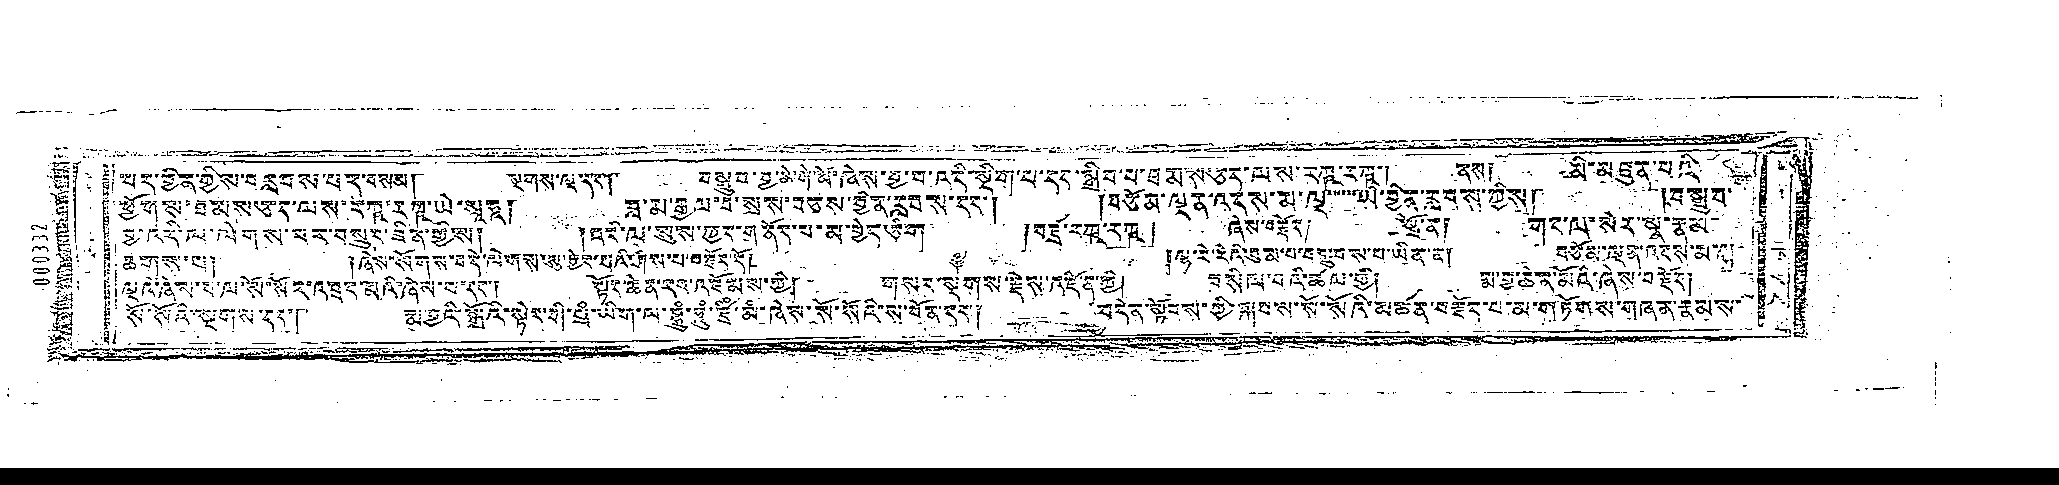བར་བྱིན་གྱིས་བརླབས་པར་བསམ། །སྔགས་ལྔ་དང་། བསྒྲུབ་བྱ་ཆེ་གེ་མོ་ཞེས་བྱ་བ་འདི་སྡིག་པ་དང་སྒྲིབ་པ་ཐམས་ཅད་ལས་རཀྵ་རཀྵ། ནས། མི་མཐུན་པའི་
ཕྱོགས་ཐམས་ཅད་ལས་རཀྵ་རཀྵ་ཡེ་སྭཱ་ཧཱ། །བླ་མ་རྒྱལ་བ་སྲས་བཅས་བྱིན་རླབས་དང་། །བཅོམ་ལྡན་འདས་མ་ལྔ་ཡི་བྱིན་རླབས་ཀྱིས། །བསྒྲུབ་
བྱ་འདི་ལ་ལེགས་པར་བསྲུང་ཟིན་གྱིས། །འདི་ལ་སུས་ཀྱང་གནོད་པ་མ་བྱེད་ཅིག །བཛྲ་རཀྵ་རཀྵ། ཞེས་བརྗོད། སྤྲོ་ན། གང་ལ་སེར་སྣ་རྣམ་
ཆགས་པ། །ཞེས་སོགས་བདེ་ལེགས་སུ་བྱེད་བའི་ཤིས་པ་བརྗོད་དོ། ༈ །ལྷ་རེ་རེའི་བུམ་པ་བསྒྲུབས་པ་ཡིན་ན། བཅོམ་ལྡན་འདས་མ་ལྷ་
ལྔའི་ཞེས་པ་ལ་སོ་སོར་འབྲང་མའི་ཞས་པ་དང་། སྟོང་ཆེན་རབ་འཇོམས་ཀྱི། །གསང་སྔགས་རྗེས་འཛིན་གྱི། །བསིལ་བའི་ཚལ་གྱི། །རྨ་བྱ་ཆེན་མོའི་ཞེས་བརྗོད།
སོ་སོའི་སྔགས་དང་། རྨ་བྱའི་སྒྲོའི་སྟེང་གི་པྲཾ་ཡིག་ལ་བྷྲུཾ་ཧཱུཾ་ཛྲིཾ་མཾ་ཞེས་སོ་སོའི་ས་བོན་དང་། བདེན་སྟོབས་ཀྱི་སྐབས་སོ་སོའི་མཚན་བརྗོད་པ་མ་གཏོགས་གཞན་རྣམས་